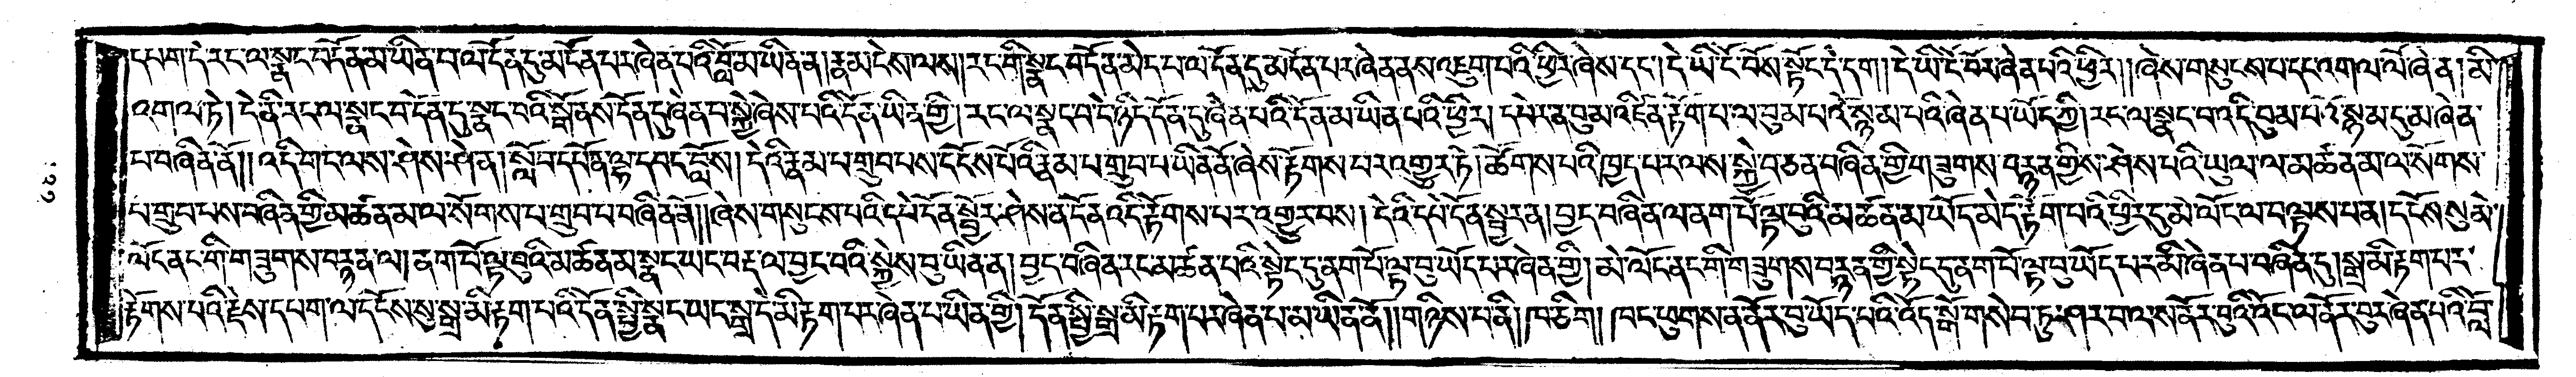དཔག་དེ་རང་ལ་སྣང་བ་དོན་མ་ཡིན་པ་ལ་དོན་དུ་མངོན་པར་ཞེན་པའི་བློ་མ་ཡིན་ན། རྣམ་ངེས་ལས། རང་གི་སྣང་བ་དོན་མེད་པ་ལ་དོན་དུ་མངོན་པར་ཞེན་ནས་འཇུག་པའི་ཕྱིར་ཞེས་དང་། དེ་ཡི་ངོ་བོས་སྟོང་དེ་དག །དེ་ཡི་ངོ་བོར་ཞེན་པའི་ཕྱིར། །ཞེས་གསུངས་པ་དང་འགལ་ལོ་ཞེ་ན། མི་
འགལ་ཏེ། དེ་ནི་རང་ལ་སྣང་བ་དོན་?་དུ་སྣང་བའི་སྒོ་ནས་དོན་དུ་ཞེན་པ་སྐྱེ་ཞེས་པའི་དོན་ཡིན་གྱི། རང་ལ་སྣང་བ་དེ་ཉིད་དོན་དུ་ཞེན་པའི་དོན་མ་ཡིན་པའི་ཕྱིར། དཔེར་ན་བུམ་འཛིན་རྟོག་པ་ལ་བུམ་པའི་སྙམ་པའི་ཞེན་པ་ཡོད་ཀྱི། རང་ལ་སྣང་བ་འདི་བུམ་པའོ་སྙམ་དུ་མ་ཞེན་
པ་བཞིན་ནོ། །འདི་གང་ལས་ཤེས་ཤེ་ན། སློབ་དཔོན་ལྷ་དབང་བློས། དེའི་རྣམ་པ་གྲུབ་པས་དངོས་པོའི་རྣམ་པ་གྲུབ་པ་ཡིན་ནོ་ཞེས་རྟོགས་པར་འགྱུར་ཏེ། ཚོགས་པའི་ཁྱད་པར་ལས་སྐྱེ་བ་ཅན་བཞིན་གྱི་གཟུགས་བརྙན་གྱིས་ཤེས་པའི་ཡུལ་ལ་མཚན་མ་ལ་སོགས་
པ་གྲུབ་པས་བཞིན་གྱི་མཚན་མ་ལ་སོགས་པ་གྲུབ་པ་བཞིན་ནོ། །ཞེས་གསུངས་པའི་དཔེ་དོན་སྦྱོར་ཤེས་ན་དོན་འདི་རྟོགས་པར་འགྱུར་བས། དེའི་དཔེ་དོན་སྦྱར་ན། བྱེད་བཞིན་ལ་ནག་པོ་ལྟ་བུའི་མཚན་མ་ཡོད་མེད་རྟོག་པའི་ཕྱིར་དུ་མ་ལོང་ལ་བལྟས་པ་ན། དངོས་སུ་མེ་
ལོང་ནང་གི་གཟུགས་བརྙན་ལ། ནག་པོ་ལྟ་བུའི་མཚན་མ་སྣང་ཡང་བརྡ་ལ་བྱང་བའི་སྐྱེས་བུ་ཡིན་ན། བྱེད་བཞིན་རང་མཚན་པའི་སྟེང་དུ་ནག་པོ་ལྟ་བུ་ཡོད་པར་ཞེན་གྱི། མེ་ལོང་ནང་གི་གཟུགས་བརྙན་གྱི་སྟེང་དུ་ནག་པོ་ལྟ་བུ་ཡོད་པར་མི་ཞེན་པ་བཞིན་དུ། སྒྲ་མི་རྟག་པར་
རྟོགས་པའི་རྗེས་དཔག་ལ་དངོས་སུ་སྒྲ་མི་རྟག་པའི་དོན་སྤྱི་སྣང་ཡང་སྒྲ་དེ་མི་རྟག་པར་ཞེན་པ་ཡིན་གྱི། དོན་སྤྱི་སྒྲ་མི་རྟག་པར་ཞེན་པ་མ་ཡིན་ནོ། །གཉིས་པ་ནི། ཁ་ཅིག །ཁང་ཕུགས་ན་ནོར་བུ་ཡོད་པའི་འོད་སྒོ་གསེབ་ཏུ་ཤར་བ་ལས་ནོར་བུའི་འོད་ལ་ནོར་བུར་ཞེན་པའི་བློ་